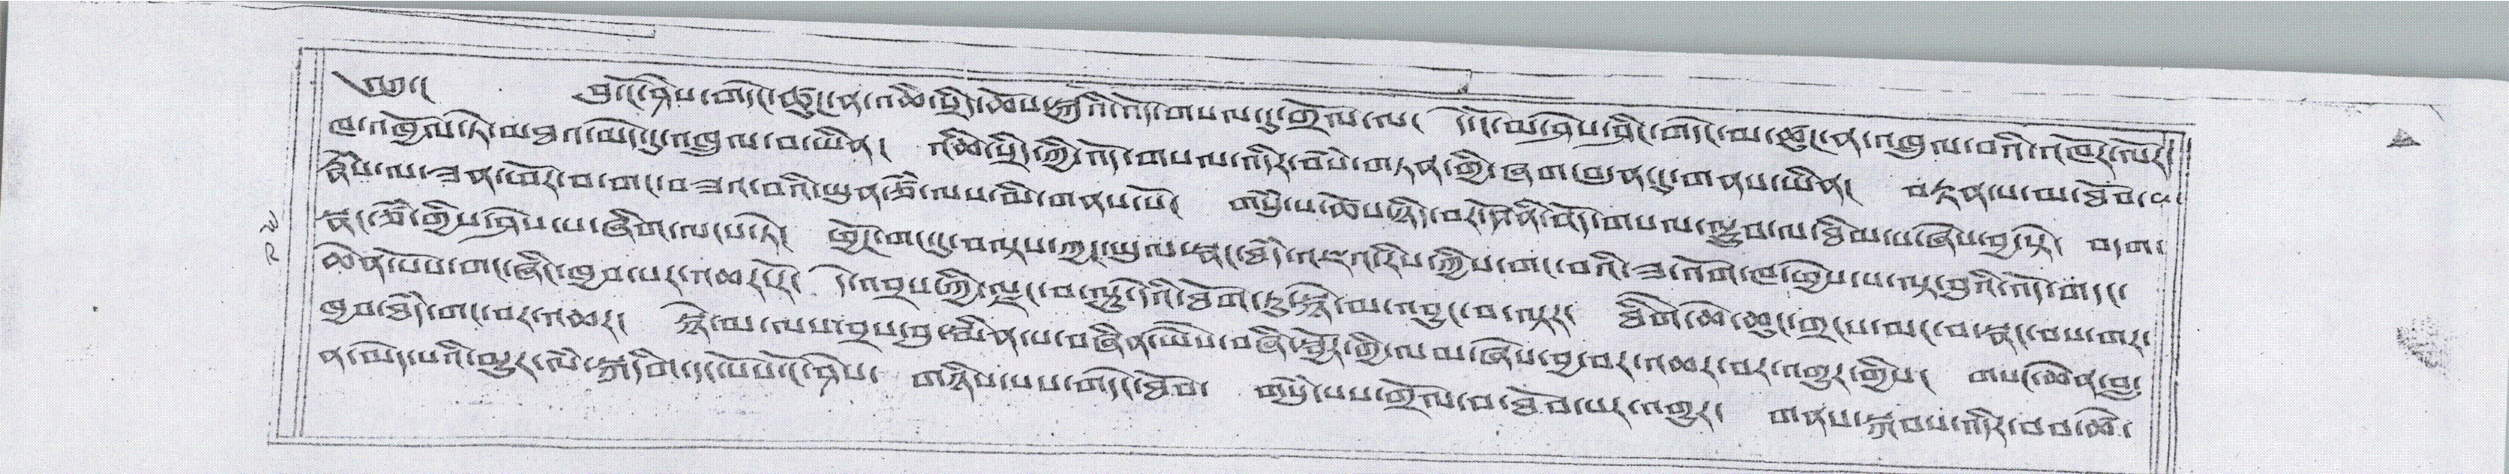བུ་ངོ་ཤེས་གདེང་ཚུགས་ན་འཆི་སྲིད་ཆོས་སྐུའི་འོད་གསལ་དུ་གྲོལ་ལ། དེ་ངོ་མ་ཤེས་ཤིང་གདེང་མ་ཚུགས་ན་འཁྲུལ་པའི་འཁོར་ལོར་
ཁ་འཁྱོལ་ཏེ་མཐའ་མེད་དུ་འཁྲུལ་པ་ཡིན། འཆི་སྲིད་ཀྱི་འོད་གསལ་འདིར་བསམ་གཏན་གྱི་ཞག་བདུན་དུ་གནས་པ་ཡིན། བརྟན་པ་མ་ཐོབ་པ་
རྣམས་ལ་ཟན་ཕོར་བ་གང་བཟའ་བའི་ཡུན་ཙམ་ལས་མི་གནས་སོ། གསུམ་པ་ཆོས་ཉིད་བར་དོ་ནི་འོད་གསལ་ལྷུན་གྲུབ་ལ་ཐིམ་པ་ཞེས་བྱ་སྟེ། བདག་
སྣང་ཙམ་གྱི་ཤེས་པ་ཞིག་ལངས་ཏེ། ཕྱོགས་གང་དུ་བལྟས་ཀྱང་ཡུལ་སྣང་ཐམས་ཅད་འཇའ་རིས་ཀྱིས་གང་བའི་ཟ་འོག་ཁ་ཕྱེས་པ་ལྟ་བུའི་འོད་གདང་
ཆེན་པོས་གང་ཞིང་འཆར་རོ། དེ་འབྲས་ཀྱི་ལྗང་བ་ལྟ་བུ་དེའི་ཐོག་ཏུ་སྙེ་མ་འབྱུང་བ་ལྟར། ཐིག་ལེ་ཆེ་ཆུང་གྲངས་མང་བ་སྣང་བས་གར་
ཁྱབ་ཐམས་ཅད་གང་བར་འཆར། སྙེ་མ་ལས་འབྲས་བུ་སྨིན་པ་བཞིན་ཡེ་ཤེས་བཞི་སྦྱོར་གྱི་ལམ་ཞེས་བྱ་བར་འཆར་བར་འགྱུར་གྱིས། གསང་ཆེན་བླ་
ན་མེད་པའི་གསང་ལམ་སྐད་ཅིག་དང་པོས་ངོ་ཤེས། གཉིས་པས་གདེང་ཐོབ། གསུམ་པས་གྲོལ་བ་ཐོབ་པར་འགྱུར། གནས་སྐབས་འདིར་བབ་ཚེ་